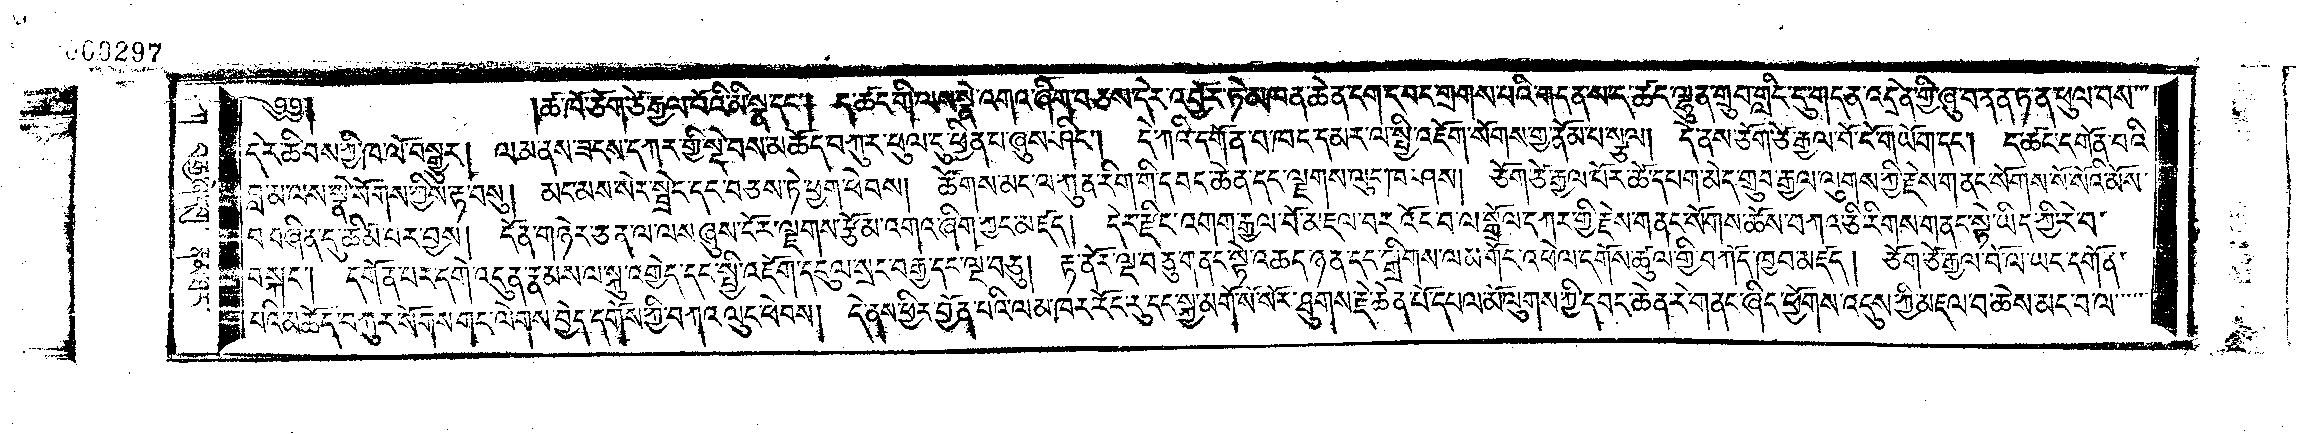༄༅། །ཚ་ཁོ་ཅོག་ཙེ་རྒྱལ་པོའི་མི་སྣ་དང་། ད་ཚང་གི་ལས་སྣེ་འགའ་ཞིག་བཅས་དེར་འབྱོར་ཏེ་མཁན་ཆེན་ངག་དབང་གྲགས་པའི་གདན་ས་ད་ཚང་ལྷུན་གྲུབ་གླིང་དུ་གདན་འདྲེན་གྱི་ཞུ་བ་ནན་ཏན་ཕུལ་བས་
དེར་ཆིབས་ཀྱི་ཁ་ལོ་བསྒྱུར། ལམ་ནས་ཟངས་དཀར་གྱི་སྡེ་བས་མཆོད་བཀུར་ཕུལ་དུ་ཕྱིན་པ་ཞུས་ཤིང་། དེ་ཀའི་དགོན་པ་ཁང་དམར་ལ་སྤྱི་འཇོག་སོགས་གྱ་ནོམ་པ་སྩལ། དེ་ནས་ཅོག་ཙེ་རྒྱལ་པོ་ངོ་གཡོག་དང་། ད་ཚང་དགོན་པའི་
བླ་མ་ལས་སྣེ་སོགས་ཀྱིས་རྟ་བསུ། མང་མས་སེར་སྦྲེང་དང་བཅས་ཏེ་ཕྱག་ཕེབས། ཚོགས་མང་ལ་ཀུན་རིག་གི་དབང་ཆེན་དང་ལྗགས་ལུང་ཁ་ཤས། ཅོག་ཙེ་རྒྱལ་པོར་ཚེ་དཔག་མེད་གྲུབ་རྒྱལ་ལུགས་ཀྱི་རྗེས་གནང་སོགས་སོ་སོའི་མོས་
པ་བཞིན་དུ་ཚིམ་པར་བྱས། དོན་གཉེར་ཅན་ལ་ལས་ཞུས་ངོར་ལྗགས་རྩོམ་འགའ་ཞིག་ཀྱང་མཛད། དེར་རྫིང་འགག་རྒྱལ་པོ་མཇལ་བར་འོང་བ་ལ་སྒྲོལ་དཀར་གྱི་རྗེས་གནང་སོགས་ཆོས་བཀའ་ཅི་རིགས་གནང་སྟེ་ཡིད་ཀྱི་རེ་བ་
བསྐང་། དགོན་པར་དགེ་འདུན་རྣམས་ལ་སྐུ་འགྱེད་དང་སྤྱི་འཇོག་དངུལ་སྲང་བརྒྱ་དང་ལྔ་བཅུ། རྟ་ནོར་ལྔ་བཅུ་གནང་སྟེ་འཆད་ཉན་དང་སྒྲིགས་ལམ་གོང་འཕེལ་དགོས་ཚུལ་གྱི་བཀོད་ཁྱབ་མཛད། ཅོག་ཙེ་རྒྱལ་པོ་ལ་ཡང་དགོན་
པའི་མཆོད་བཀུར་སོགས་གང་ལེགས་བྱེད་དགོས་ཀྱི་བཀའ་ལུང་ཕེབས། དེ་ནས་ཕྱིར་བྱོན་པའི་ལམ་ཁར་རོང་རུ་དང་སྐྱ་མགོ་སོ་སོར་ཐུགས་རྗེ་ཆེན་པོ་དཔལ་མོ་ལུགས་ཀྱི་དབང་ཆེན་རེ་གནང་ཞིང་ཕྱོགས་འདུས་ཀྱི་མཇལ་བ་ཆེས་མང་བ་ལ་